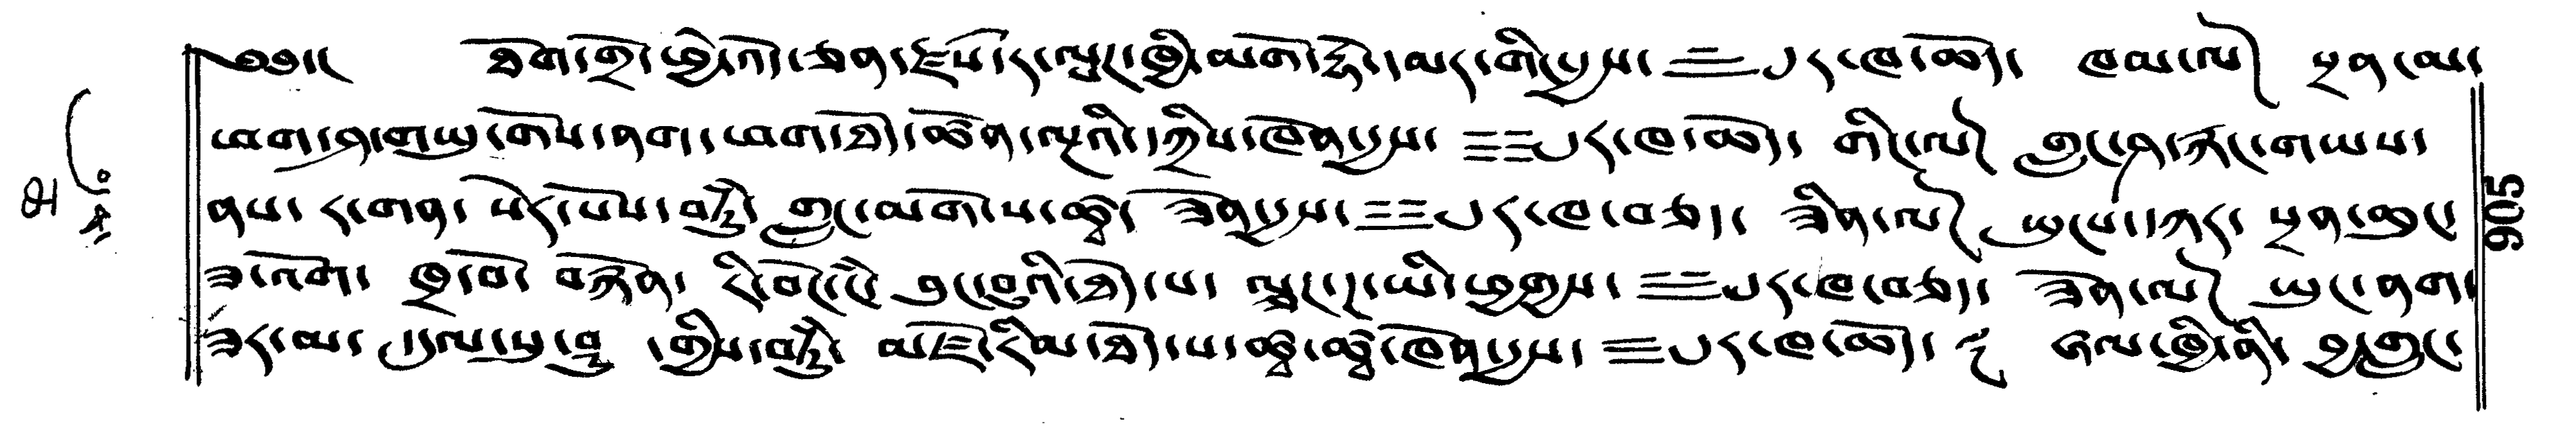ཐོག་གྲོ་ཕྱེ་འོད་ཅན་རྫས་ར་ལྤགས་ཁྱི་མགོ་རྡོ་དམར།གིན་རྒྱས། དུར་ཁ་ཆོད། ཁམ་ལ། སྲན་མ། 
ཕག་ཤ གཡུ། གོས་ནག ཕག་ཐོད་ཚོན་ལྔའི་དཀྲིས། ཁོན་རྒྱས་ དུར་ཁ་ཆོད། གིང་ལ༽ གླང་ཤ་རྐང་གཡས་
ནས། ར་གན། སེར་པོས་བཏུམ། གླང་མགོ་ས་ཚྭ། ཟོན་རྒྱས་ དུར་ཁ་བཅད། ཟིན་ལ། ཡུངས་དཀར། སྲན་ཆུང་
ཟ་འོག་ཁྲ་བོ། བསྐོན་རི་བོང་ངམ། བོང་བུའི་ཐོད་པ། ལྕགས་ཌ་ཡི་ཕྱག་རྒྱས། དུར་ཁ་བཅད། ཟོན་ལ༽ ཡུང་ནག་
ཟར་མ། དུ་ཤུ་གྱིས་བཏུམ། མཛོ་རིམ་ཐོད་པ་ཚྭ་ཚྭ་ཁོན་རྒྱས། དུར་ཁ་ཆོད། ཧལ་ཁྱི་ནི། བྱ་གླང་